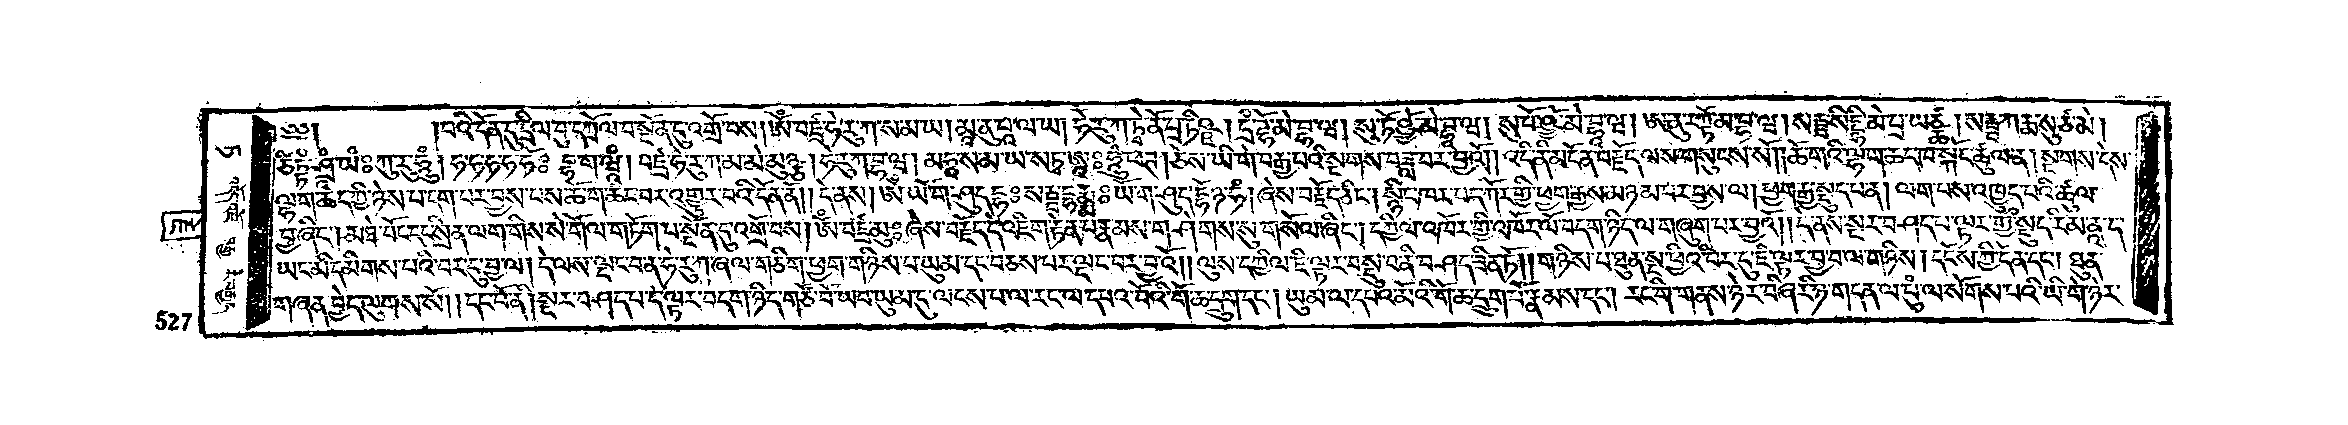༄༅། །པའི་དོན་དུ་དྲིལ་བུ་དཀྲོལ་བ་སྔོན་དུ་འགྲོ་བས། ཨོཾ་བཛྲ་ཧེ་རུ་ཀ་ས་མ་ཡ། མཱ་ནུ་པཱ་ལ་ཡ། ཧེ་རུ་ཀ་ཏྭེ་ནོ་པྲ་ཏིཥཊཿཨ། དྲྀ་ཌྷོ་མེ་བྷ་ཝ། སུ་ཏོ་ཥྱོ་མེ་བྷཱ་ཝ། སུ་པོ་ཥྱོ་མེ་བྷཱ་ཝ། ཨ་ནུ་རཀྟོ་མ་བྷ་ཝ། སརྦྦ་སིདྡྷི་མེ་པྲ་ཡཙྪ། སརྦྦ་ཀརྨ་སུ་ཙ་མེ་
ཙིཏྟཾ་ཤྲཱི་ཡཾཿ ཀུ་རུ་ཧཱུཾ། ཧ་ཧ་ཧ་ཧ་ཧོཿ བྷ་ག་ཝཱཾ། བཛྲ་ཧེ་རུ་ཀ་མ་མེ་མུཉྩ། ཧེ་རུ་ཀ་བྷ་ཝ། མཧཱ་ས་མ་ཡ་སཏྭ་ཨཱཿ ཧཱུཾ་ཕཊ། ཅེས་ཡི་གེ་བརྒྱ་པའི་སྔགས་བཟླ་བར་བྱའོ། །འདི་ནི་མངོན་བརྗོད་ལས་གསུངས་སོ། །ཆོ་གའི་ལྷག་ཆད་ཁ་སྐོང་ཚུལ་ནི། སྔགས་དེས་
ལྷག་ཆད་ཀྱི་ཉེས་པ་དག་པར་བྱས་པས་ཆོ་ག་ཚང་བར་འགྱུར་བའི་དོན་ནོ། །དེ་ནས། ཨོཾ་ཡོ་ག་ཤུདྡྷཿ སརྦྦ་དྷརྨྨཿ ཡོ་ག་ཤུད་དྷོཉ་ཧཾ། ཞེས་བརྗོད་ཅིང་། སྙིང་ཁར་པད་ཀོར་གྱི་ཕྱག་རྒྱས་མཉམ་པར་བྱས་ལ། ཕྱག་རྒྱ་སྡུད་པ་ན། ལག་པས་འཁྱུད་པའི་ཚུལ་
བྱ་ཞིང་། མཐེ་བོང་དང་སྲིན་ལག་གིས་སེ་གོལ་གཏོག་པ་སྔོན་དུ་འགྲོ་བས། ཨོཾ་བཛྲ་མུཿ ཞེས་བརྗོད་དེ་འཇིག་རྟེན་པ་རྣམས་གཤེགས་སུ་གསོལ་ཞིང་། དཀྱིལ་འཁོར་གྱི་འཁོར་ལོ་བདག་ཉིད་ལ་གཞུག་པར་བྱའོ། །དེ་ནས་སྔར་བཤད་པ་ལྟར་གྱི་སྡུད་རིམ་ནཱ་ད་
ཡང་མི་དམིགས་པའི་བར་དུ་བྱ་ལ། དེ་ལས་ལྡང་བ་ན་ཧེ་རུ་ཀ་ཞལ་གཅིག་ཕྱག་གཉིས་པ་ཡུམ་དང་བཅས་པར་ལྡང་བར་བྱའོ། །ལུས་དཀྱིལ་ཇི་ལྟར་བསྡུ་བ་ནི་བཤད་ཟིན་ཏོ། །གཉིས་པ་ཐུན་སྔ་ཕྱིའི་བར་དུ་ཇི་ལྟར་བྱ་བ་ལ་གཉིས། དངོས་ཀྱི་དོན་དང་། ཐུན་
གཞན་བྱེད་ལུགས་སོ། །དང་པོ་ནི། སྔར་བཤད་པ་དེ་ལྟར་བདག་ཉིད་གཙོ་བོ་ཡབ་ཡུམ་དུ་ལངས་པ་ལ་རང་ལ་དཔའ་བོའི་གོ་ཆ་དྲུག་དང་། ཡུམ་ལ་དཔའ་མོའི་གོ་ཆ་དྲུག་པོ་རྣམས་དང་། རང་གི་གནས་ཉེར་བཞིར་ཉི་གདན་ལ་པུཾ་ལ་སོགས་པའི་ཡི་གེ་ཉེར་